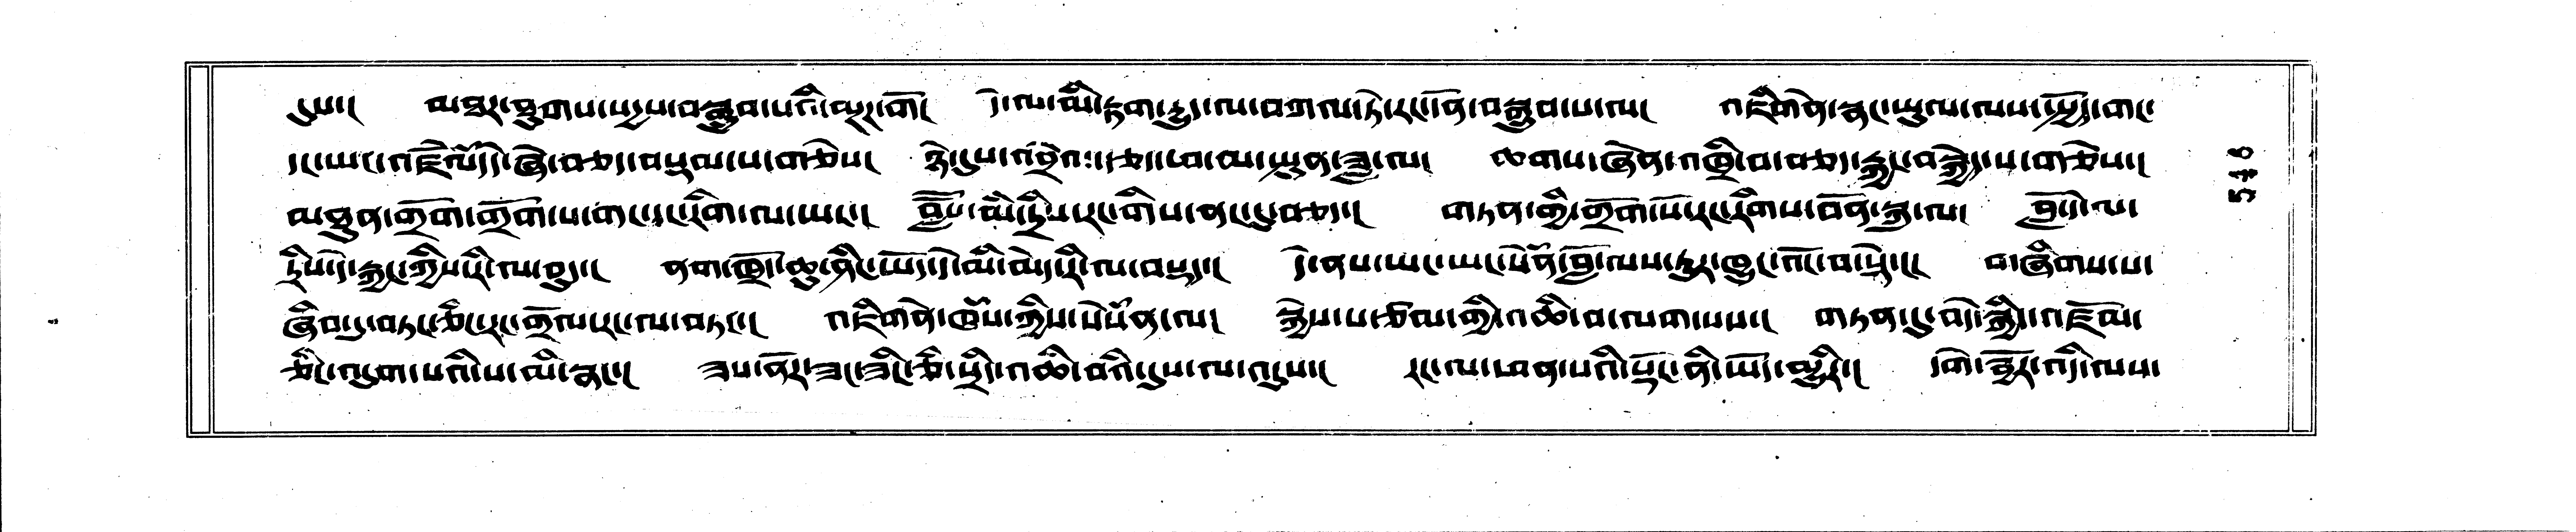དུས། མཐུར་ཐུག་སངས་རྒྱས་བསྒྲུབ་པའི་མེན་ངག་གོ དེ་ལ་མི་རྟག་རྒྱུད་ལ་བཀལ་ཏེ་རང་དོན་བསྒྲུབ་པ་ལ། འཇིག་རྟེན་སྣང་ཡུལ་གྱི་ལས་སྤྱོད་གང་
དང་ཡང་འཛོལ་ཏེ་ཞེ་བཅད་བསྡོམ་པ་གཅེས། འཇིག་རྟེན་འདིའི་ཉེ་ཐུང་འབྲེལ་བ་བཅད་ལ་ཕ་མ་སྤུན་ཟླ་ལ། ཆགས་ཞེན་འཁྲི་བ་བཅད་སྟེ། རྒྱང་གི་བསྐྱེད་པ་གཅེས་
མཐུན་རོག་གྲོགས་པོ་གང་དད་རིག་ལ་ཡང་། བློའི་ས་དྲོས་༼གྲོས༽མི་དྲི་རང་ཉིད་ནང་དུ་བཅད། གཏན་གྱི་གྲོགས་པོ་རང་རིག་བོན་སྐུ་ལ། བློའི་དྲོས་༼གྲོས༽ཕུག་དེ་ལ་
དྲི་ལ་རྒྱང་གི་རི་ལ་ཕུད། ནགས་ཁྲོད་ཆུ་ཤིང་ཡོད་སྟེ་ཉམས་དགའ་ལ་བསྡད་པའོ། དེ་ནས་ཡོང་ཡང་སེམས་ཅན་བློ་ལ་ཏུར་ཁྱུད་འོང་བ་སྟེ། གཞི་ལ་”གཞིག་པ”
ཞིབ་ཏུ་བཏང་ཞིང་རང་ཁྲོལ་རང་ལ་བཏངས། འཇིག་རྟེན་ཁམས་ཀྱི་སེམས་ཅན་ལ། སྐྱེ་བ་ཙམ་གྱི་འཆི་བ་མ་ལགས་པའི། གཏན་དུ་བདེ་སྐྱེད་འཛོམ་
ཅིང་འདུག་པ་ཅིག་ཀྱང་མི་སྣང་། ཟས་ནོར་ཟང་ཟིང་ཅི་སྲིད་འཆི་བའི་དུས་ལ་རྗེས་སུ་ལུས། རང་ལ་ཕན་པའི་སྡོང་ནི་ཡོད་མི་འགྱུར། དགེ་སྦྱོར་འདི་མེན་